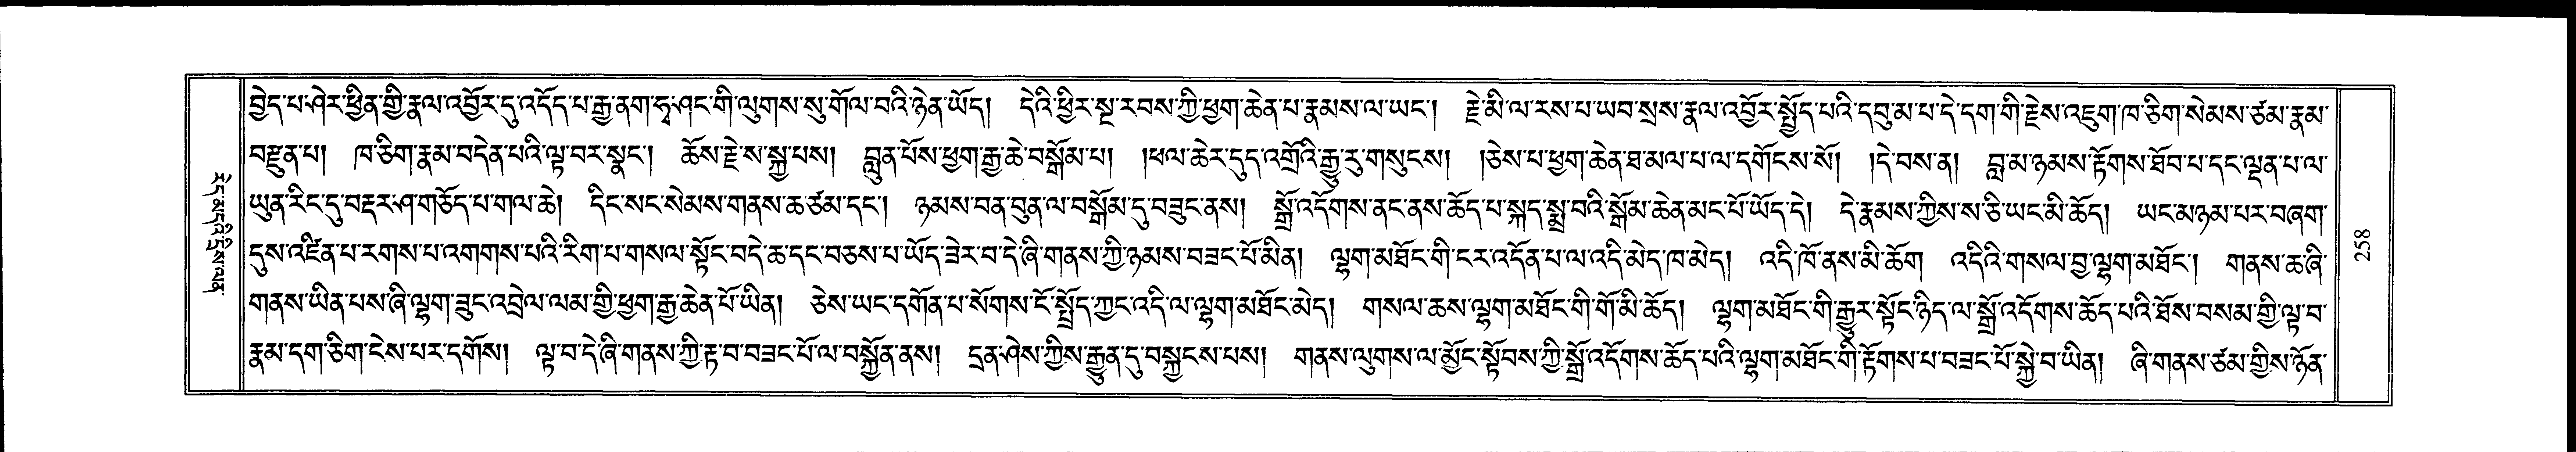བྱེད་པ་ཤེར་ཕྱིན་གྱི་རྣལ་འབྱོར་དུ་འདོད་པ་རྒྱ་ནག་ཧྭ་ཤང་གི་ལུགས་སུ་གོལ་བའི་ཉེན་ཡོད། དེའི་ཕྱིར་སྔ་རབས་ཀྱི་ཕྱག་ཆེན་པ་རྣམས་ལ་ཡང་། རྗེ་མི་ལ་རས་པ་ཡབ་སྲས་རྣལ་འབྱོར་སྤྱོད་པའི་དབུ་མ་པ་དེ་དག་གི་རྗེས་འཇུག་ཁ་ཅིག་སེམས་ཙམ་རྣམ་
བརྫུན་པ། ཁ་ཅིག་རྣམ་བདེན་པའི་ལྟ་བར་སྣང་། ཆོས་རྗེ་ས་སྐྱ་པས། བླུན་པོས་ཕྱག་རྒྱ་ཆེ་བསྒོམ་པ། །ཕལ་ཆེར་དུད་འགྲོའི་རྒྱུ་རུ་གསུངས། །ཅེས་པ་ཕྱག་ཆེན་ཐ་མལ་པ་ལ་དགོངས་སོ། །དེ་བས་ན། བླ་མ་ཉམས་རྟོགས་ཐོབ་པ་དང་ལྡན་པ་ལ་
ཡུན་རིང་དུ་བརྡར་ཤ་གཅོད་པ་གལ་ཆེ། དིང་སང་སེམས་གནས་ཆ་ཙམ་དང་། ཉམས་བན་བུན་ལ་བསྒོམ་དུ་བཟུང་ནས། སྒྲོ་འདོགས་ནང་ནས་ཆོད་པ་སྐད་སྨྲ་བའི་སྒོམ་ཆེན་མང་པོ་ཡོད་དེ། དེ་རྣམས་ཀྱིས་ས་ཅི་ཡང་མི་ཆོད། ཡང་མཉམ་པར་བཞག་
དུས་འཛིན་པ་རགས་པ་འགགས་པའི་རིག་པ་གསལ་སྟོང་བདེ་ཆ་དང་བཅས་པ་ཡོད་ཟེར་བ་དེ་ཞི་གནས་ཀྱི་ཉམས་བཟང་པོ་མིན། ལྷག་མཐོང་གི་ངར་འདོན་པ་ལ་འདི་མེད་ཁ་མེད། འདི་ཁོ་ནས་མི་ཆོག་འདིའི་གསལ་བྱ་ལྷག་མཐོང་། གནས་ཆ་ཞི་
གནས་ཡིན་པས་ཞི་ལྷག་ཟུང་འབྲེལ་ལམ་གྱི་ཕྱག་རྒྱ་ཆེན་པོ་ཡིན། ཅེས་ཡང་དགོན་པ་སོགས་ངོ་སྤྲོད་ཀྱང་འདི་ལ་ལྷག་མཐོང་མེད། གསལ་ཆས་ལྷག་མཐོང་གི་གོ་མི་ཆོད། ལྷག་མཐོང་གི་རྒྱུར་སྟོང་ཉིད་ལ་སྒྲོ་འདོགས་ཆོད་པའི་ཐོས་བསམ་གྱི་ལྟ་བ་
རྣམ་དག་ཅིག་ངེས་པར་དགོས། ལྟ་བ་དེ་ཞི་གནས་ཀྱི་རྟ་བ་བཟང་པོ་ལ་བསྐྱོན་ནས། དྲན་ཤེས་ཀྱིས་རྒྱུན་དུ་བསྐྱངས་པས། གནས་ལུགས་ལ་མྱོང་སྟོབས་ཀྱི་སྒྲོ་འདོགས་ཆོད་པའི་ལྷག་མཐོང་གི་རྟོགས་པ་བཟང་པོ་སྐྱེ་བ་ཡིན། ཞི་གནས་ཙམ་གྱིས་ཉོན་